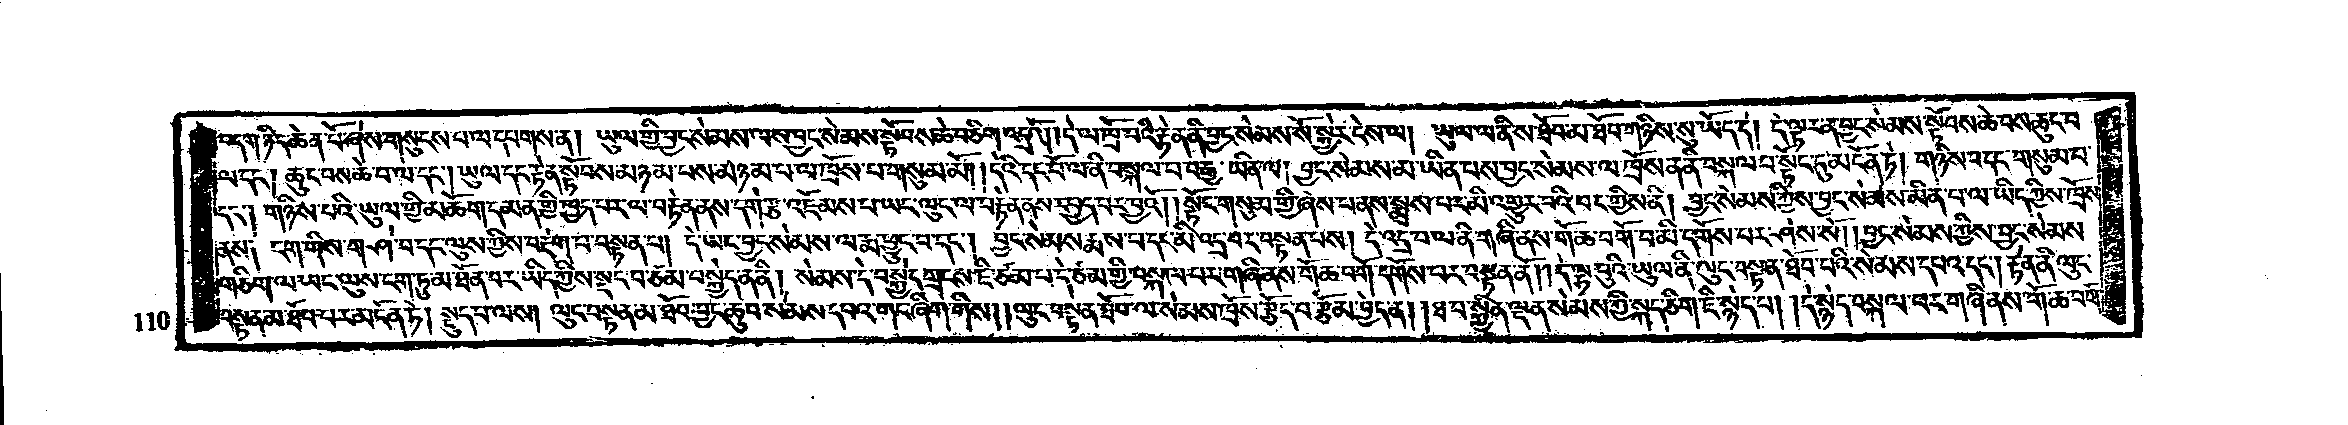བདག་ཉིད་ཆེན་པོ་ཞེས་གསུངས་པ་ལ་དཔགས་ན། ཡུལ་གྱི་བྱང་སེམས་ལས་བྱང་སེམས་སྟོབས་ཆེ་བ་ཅིག་འདྲའོ། །དེ་ལ་ཁྲོ་བའི་རྟེན་ནི་བྱང་སེམས་སོ་སྐྱེར་ངེས་ལ། ཡུལ་ལ་ནི་ས་ཐོབ་མ་ཐོབ་གཉིས་སུ་ཡོད་དེ། དེ་ལྟར་ན་བྱང་སེམས་སྟོབས་ཆེ་བས་ཆུང་བ་
ལ་དང་། ཆུང་བས་ཆེ་བ་ལ་དང་། ཡུལ་དང་རྟེན་སྟོབས་མཉམ་པས་མཉམ་པ་ལ་ཁྲོས་པ་གསུམ་མོ། །དེའི་དང་པོ་ལ་ནི་བསྐལ་པ་བརྒྱ་ཡིན་ལ། བྱང་སེམས་མ་ཡིན་པས་བྱང་སེམས་ལ་ཁྲོས་ན་ནི་བསྐལ་བ་སྟོང་དུ་མངོན་ཏེ། གཉིས་པ་དང་གསུམ་པ་
དང་། གཉིས་པའི་ཡུལ་གྱི་མཆོག་དམན་གྱི་ཁྱད་པར་ལ་བརྟེན་ནས་དགེ་རྩ་འཇོམས་པ་ཡང་ལུང་ལ་བརྟེན་ནས་དཔྱད་པར་བྱའོ། །སྟོང་གསུམ་གྱི་ཞེས་པ་ནས་སྨྲས་པར་མི་འགྱུར་བའི་བར་གྱིས་ནི། བྱང་སེམས་ཀྱིས་བྱང་སེམས་མིན་པ་ལ་ཡིད་ཀྱིས་ཁྲོས་
ནས། ངག་གིས་གཤེ་བ་དང་ལུས་ཀྱིས་བརྡེག་པ་བསྟན་པ། དེ་ཡང་བྱང་སེམས་ལ་རྨ་ཕྱུང་བ་དང་། བྱང་སེམས་རྨས་པ་དང་མི་འདྲ་བར་བསྟན་པས། དེ་འདྲ་བ་ལ་ནི་གཞི་ནས་གོ་ཆ་བགོ་བ་མི་དགོས་པར་ཤེས་སོ། །བྱང་སེམས་ཀྱིས་བྱང་སེམས་
གཅིག་ལ་ཡང་ལུས་ངག་ཏུ་མ་ཐོན་བར་ཡིད་ཀྱིས་སྡང་བ་ཙམ་བསྐྱེད་ན་ནི། སེམས་དེ་བསྐྱེད་གྲངས་ཇི་ཙམ་པ་དེ་ཙམ་གྱི་བསྐལ་བར་གཞི་ནས་གོ་ཆ་བགོ་དགོས་པར་བསྟན་ནོ། །དེ་ལྟ་བུའི་ཡུལ་ནི་ལུང་བསྟན་ཐོབ་པའི་སེམས་དཔའ་དང་། རྟེན་ནི་ལུང་
བསྟན་མ་ཐོབ་པར་མངོན་ཏེ། སྡུད་པ་ལས། ལུང་བསྟན་མ་ཐོབ་བྱང་ཆུབ་སེམས་དཔའ་གང་ཞིག་གིས། །ལུང་བསྟན་ཐོབ་ལ་སེམས་ཁྲོས་རྩོད་པ་རྩོམ་བྱེད་ན། །ཐ་བ་སྐྱོན་ལྡན་སེམས་ཀྱི་སྐད་ཅིག་ཇི་སྙེད་པ། །དེ་སྙེད་བསྐལ་པར་གཞི་ནས་གོ་ཆ་བགོ།